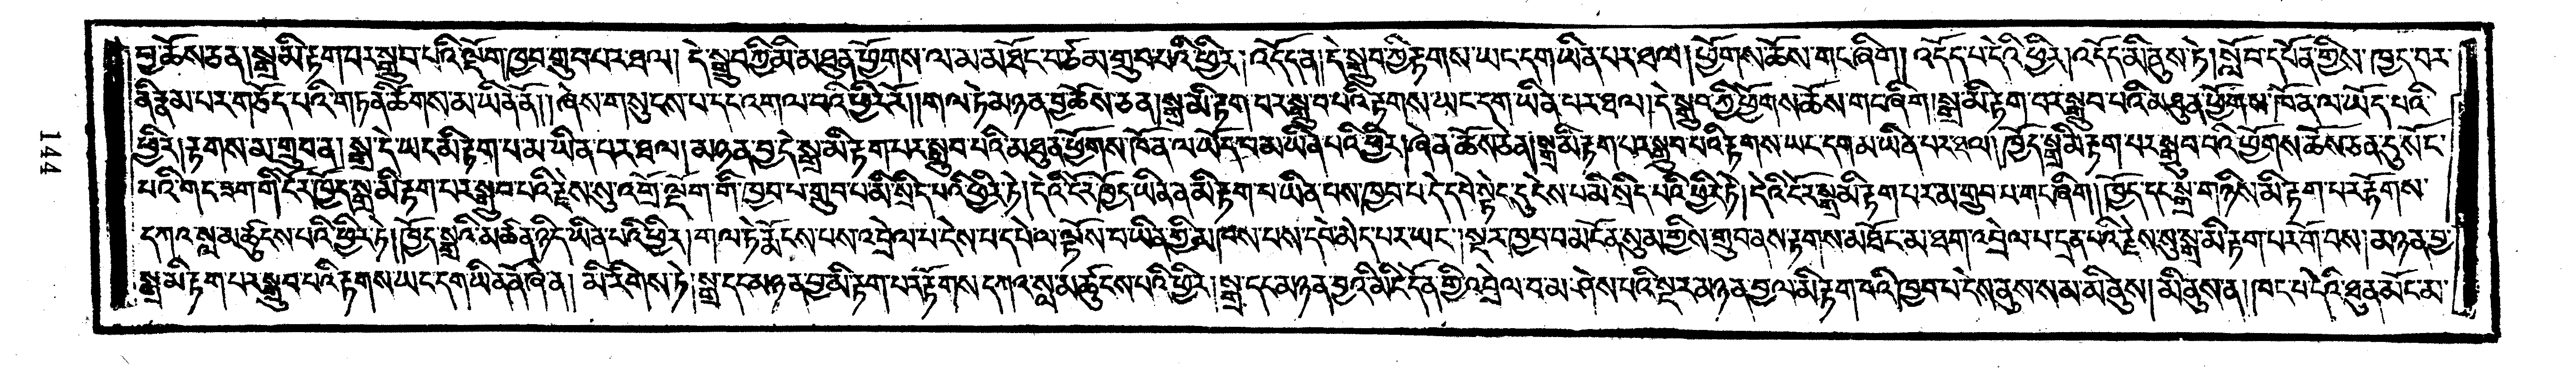བྱ་ཆོས་ཅན། སྒྲ་མི་རྟག་པར་སྒྲུབ་པའི་ལྡོག་ཁྱབ་གྲུབ་པར་ཐལ། དེ་སྒྲུབ་ཀྱི་མི་མཐུན་ཕྱོགས་ལ་མ་མཐོང་བ་ཙམ་གྲུབ་པའི་ཕྱིར། འདོད་ན། དེ་སྒྲུབ་ཀྱི་རྟགས་ཡང་དག་ཡིན་པར་ཐལ། ཕྱོགས་ཆོས་གང་ཞིག །འདོད་པ་དེའི་ཕྱིར། འདོད་མི་ནུས་ཏེ། སློབ་དཔོན་གྱིས། ཁྱད་པར་
ནི་རྣམ་པར་གཅོད་པའི་གཏན་ཚིགས་མ་ཡིན་ནོ། །ཞེས་གསུངས་པ་དང་འགལ་བའི་ཕྱིར་རོ། །གལ་ཏེ་མཉན་བྱ་ཆོས་ཅན། སྒྲ་མི་རྟག་པར་སྒྲུབ་པའི་རྟགས་ཡང་དག་ཡིན་པར་ཐལ། དེ་སྒྲུབ་ཀྱི་ཕྱོགས་ཆོས་གང་ཞིག། སྒྲ་མི་རྟག་པར་སྒྲུབ་པའི་མཐུན་ཕྱོགས་ཁོ་ན་ལ་ཡོད་པའི་
ཕྱིར། རྟགས་མ་གྲུབ་ན། སྒྲ་དེ་ཡང་མི་རྟག་པ་མ་ཡིན་པར་ཐལ། མཉན་བྱ་དེ་སྒྲ་མི་རྟག་པར་སྒྲུབ་པའི་མཐུན་ཕྱོགས་ཁོ་ན་ལ་ཡོད་པ་མ་ཡིན་པའི་ཕྱིར། ཞེ་ན། ཆོས་ཅན། སྒྲ་མི་རྟག་པར་སྒྲུབ་པའི་རྟགས་ཡང་དག་མ་ཡིན་པར་ཐལ། ཁྱོད་སྒྲ་མི་རྟག་པར་སྒྲུབ་པའི་ཕྱོགས་ཆོས་ཅན་དུ་སོང་
བའི་གང་ཟག་གི་ངོར་ཁྱོད་སྒྲ་མི་རྟག་པར་སྒྲུབ་པའི་རྗེས་སུ་འགྲོ་ལྡོག་གི་ཁྱབ་པ་གྲུབ་པ་མི་སྲིད་པའི་ཕྱིར་ཏེ། དེའི་ངོར་ཁྱོད་ཡིན་ན་མི་རྟག་པ་ཡིན་པས་ཁྱབ་པ་དེ་དཔེ་སྟེང་དུ་ངེས་པ་མི་སྲིད་པའི་ཕྱིར་ཏེ། དེའི་ངོར་སྒྲ་མི་རྟག་པར་མ་གྲུབ་པ་གང་ཞིག །ཁྱོད་དང་སྒྲ་གཉིས་མི་རྟག་པར་རྟོགས་
དཀའ་སླ་མཚུངས་པའི་ཕྱིར་ཏེ། ཁྱོད་སྒྲའི་མཚན་ཉིད་ཡིན་པའི་ཕྱིར། གལ་ཏེ་རྨོངས་པས་འབྲེལ་པ་ངེས་པ་དཔེལ་ལྟོས་པ་ཡིན་གྱི་མཁས་པས་དཔེ་མེད་པར་ཡང་། སྔར་ཁྱབ་པ་མངོན་སུམ་གྱིས་གྲུབ་ནས་རྟགས་མཐོང་མ་ཐག་འབྲེལ་བ་དྲན་པའི་རྗེས་སུ་སྒྲ་མི་རྟག་པར་གོ་བས། མཉན་བྱ་
སྒྲ་མི་རྟག་པར་སྒྲུབ་པའི་རྟགས་ཡང་དག་ཡིན་ནོ་ཞེ་ན། མི་རིགས་ཏེ། སྒྲ་དང་མཉན་བྱ་མི་རྟག་པར་རྟོགས་དཀའ་སླ་མཚུངས་པའི་ཕྱིར། སྒྲ་དང་མཉན་བྱའི་མིང་དོན་གྱི་འབྲེལ་པ་མ་ཤེས་པའི་སྔར་མཉན་བྱ་ལ་མི་རྟག་པའི་ཁྱབ་པ་ངེས་ནུས་སམ་མི་ནུས། མི་ནུས་ན། ཁང་པ་དེའི་ཐུན་མོང་མ་